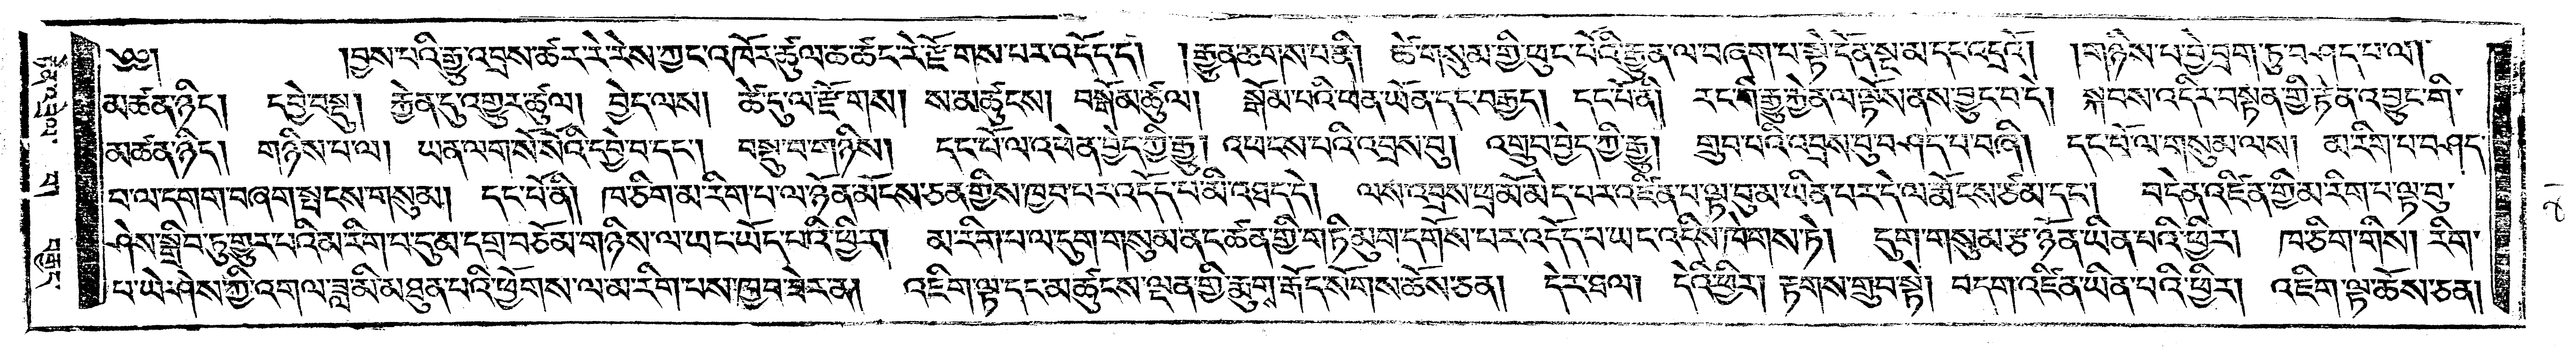༄༅། །བྱས་པའི་རྒྱུ་འབྲས་ཚར་རེ་རེས་ཀྱང་འཁོར་ཚུལ་ཆ་ཚང་རེ་རྫོགས་པར་འདོད་དོ། །རྒྱུན་ཆགས་བ་ནི། ཚེ་གསུམ་གྱི་ཕུང་པོའི་རྒྱུན་ལ་བཞག་པ་སྟེ་དོན་སྔ་མ་དང་འདྲའོ། །གཉིས་པ་བྱེ་བྲག་ཏུ་བཤད་པ་ལ།
མཚན་ཉིད། དབྱེ་བསྡུ། རྐྱེན་དུ་འགྱུར་ཚུལ། བྱེད་ལས། ཚེ་དུ་ལ་རྫོགས། ས་མཚུངས། བསྒོམ་ཚུལ། སྒོམ་པའི་ཕན་ཡོན་དང་བརྒྱད། དང་པོ་ནི། རང་གི་རྒྱུ་རྐྱེན་ལ་ལྟོས་ནས་བྱུང་བ་དེ། སྐབས་འདིར་བསྟན་གྱི་རྟེན་འབྱུང་གི་
མཚན་ཉིད། གཉིས་པ་ལ། ཡན་ལག་སོ་སོའི་དབྱེ་བ་དང་། བསྡུ་བ་གཉིས། དང་པོ་ལ་འཕེན་བྱེད་ཀྱི་རྒྱུ། འཕངས་པའི་འབྲས་བུ། འགྲུབ་བྱེད་ཀྱི་རྒྱུ། གྲུབ་པའི་འབྲས་བུ་བཤད་པ་བཞི། དང་པོ་ལ་གསུམ་ལས། མ་རིག་པ་བཤད་
པ་ལ་དགག་བཞག་སྤངས་གསུམ། དང་པོ་ནི། ཁ་ཅིག་མ་རིག་པ་ལ་ཉོན་མོངས་ཅན་གྱིས་ཁྱབ་པར་འདོད་པ་མི་འཐད་དེ། ལས་འབྲས་ཕྲ་མོ་མེད་པར་འཛིན་པ་ལྟ་བུ་མ་ཡིན་པར་དེ་ལ་རྨོངས་ཙམ་དང་། བདེན་འཛིན་གྱི་མ་རིག་པ་ལྟ་བུ་
ཤེས་སྒྲིབ་ཏུ་གྱུར་པའི་མ་རིག་པ་དུ་མ་དགྲ་བཅོམ་གཉིས་ལ་ཡང་ཡོད་པའི་ཕྱིར། མ་རིག་པ་ལ་དུག་གསུམ་ནང་ཚན་གྱི་གཏི་མུག་དགོས་པར་འདོད་པ་ཡང་འདིས་ཁེགས་ཏེ། དུག་གསུམ་རྟ་ཉིན་ཡིན་པའི་ཕྱིར། ཁ་ཅིག་གིས། རིག་
པ་ཡེ་ཤེས་ཀྱི་འགལ་ཟླ་མི་མཐུན་པའི་ཕྱོགས་ལམ་རིག་པས་ཁྱབ་ཟེར་ན། འཇིག་ལྟ་དང་མཚུངས་ལྡན་གྱི་རྨུགས་རྒོད་སོགས་ཆོས་ཅན། དེར་ཐལ། དེའི་ཕྱིར། རྟགས་གྲུབ་སྟེ། བདག་འཛིན་ཡིན་པའི་ཕྱིར། འཇིག་ལྟ་ཆོས་ཅན།